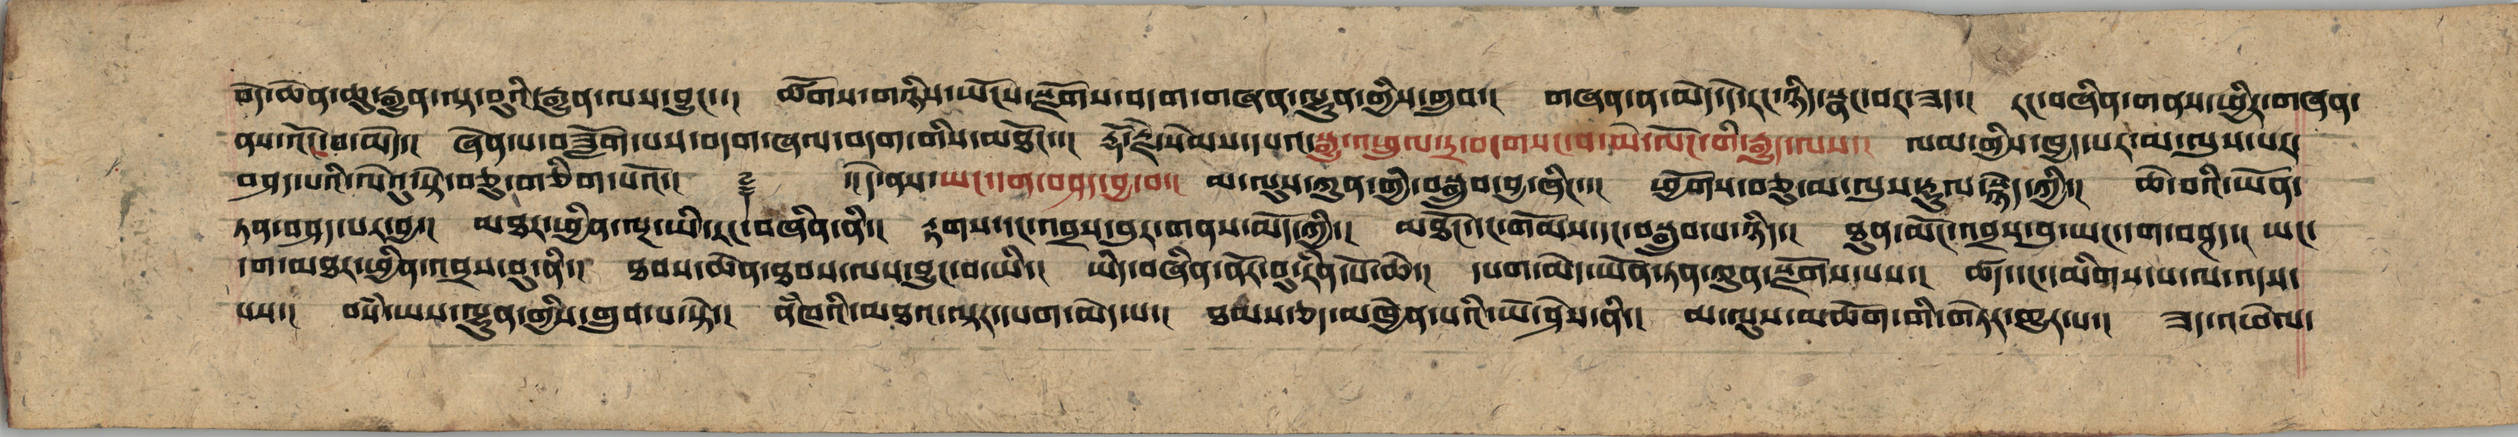བདེ་ཆེན་ཆུ་རྒྱུན་ལྟ་བུའི་རྒྱུན་ལས་བྱུང་་། ཚོགས་གཉིས་ཡོངས་སྫོགས་བདག་གཞན་ལྷུན་གྱིས་གྲུབ་། གཞན་ན་མེད་དེ་རང་ཉིད་སྣང་བར་ཟད་། རང་བཞིན་གནས་ཕྱིར་གཞན
ནས་འོང་བ་མེད་། ཞེས་པ་བཟློག་པས་བདག་ཞལ་བདག་གིས་མཐོང་་། རྡོ་རྗེ་སེམས་དཔའ་སྒྱུ་འཕྲུལ་དྲ་བ་གསང་བ་མེ་ལོང་གི་རྒྱུད་ལས་། ལམ་གྱིས་ཁྱད་པར་མ་ལུས་པར་
བཤད་པའི་ལེའུ་སྟེ་བཅུ་གཅིག་པའོ་། ࿑ ་།དེ་ནས་ཡང་དག་བཤད་བྱ་བ་། མ་ལུས་ཀུན་གྱི་བསྒྲུབ་བྱ་ཞིང་་། ཕྱོགས་བཅུ་མ་ལུས་རྡུལ་སྙེད་ཀྱི་། ཆེ་བའི་ཡོན་
ཏན་བཤད་པར་བྱ་། མཐར་ཕྱིན་ལྔ་ཡི་རང་བཞིན་ནི་། རྟགས་དང་འབྲས་བུར་གནས་མོད་ཀྱི་། མཐོང་དང་གོམས་དང་བསྒྲུབ་པ་ཉིད་། ཐུན་མོང་འབྲས་བུ་ཡང་དག་བཤད་། ཡང་
དག་མཐར་ཕྱིན་འབྲས་བུ་ནི་། ཐབས་ཆེན་ཐབས་ལས་བྱུང་བ་ཡི་། ཡིད་བཞིན་ནོར་བུ་རིན་པོ་ཆེ་། དཔག་མེད་ཡོན་ཏན་ཀུན་སྫོགས་པས་། ཚད་དང་དམིགས་པ་ལ་འདས་
པས་། བསཾ་ཡས་ལྷུན་གྱིས་གྲུབ་པ་སྟེ་། ནཾཁའི་མཐའ་ལྟར་དཔག་མེད་པ་། ཐམས་ཅད་མཁྱེན་པའི་ཡེ་ཤེས་ནི་། མ་ལུས་མཆོག་གི་གཏེར་གྱུར་པ་། ཟད་འཕེལ་